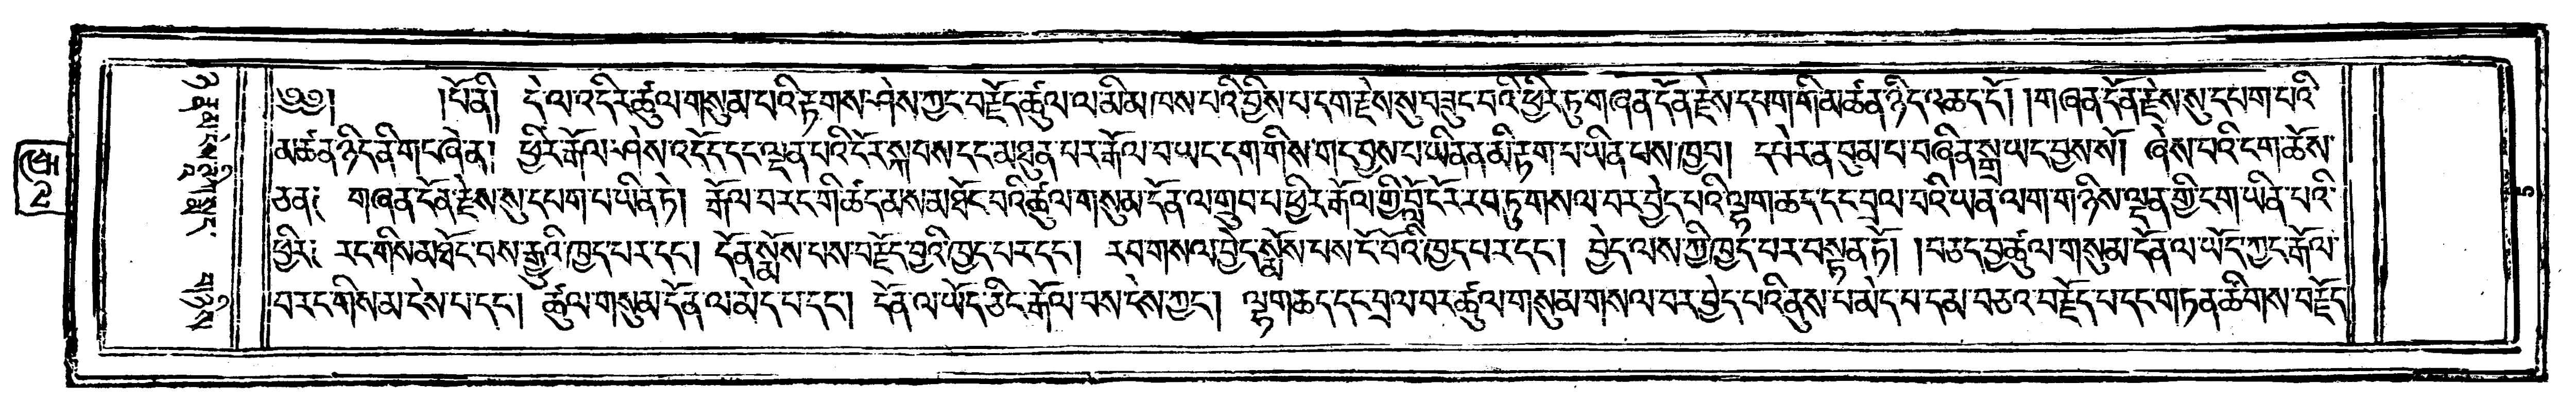༄༅། །པོ་ནི། དེ་ལ་འདིར་ཚུལ་གསུམ་པའི་རྟགས་ཤེས་ཀྱང་བརྗོད་ཚུལ་ལ་མི་མཁས་པའི་བྱིས་པ་དག་རྗེས་སུ་བཟུང་བའི་ཕྱིར་ཏུ་གཞན་དོན་རྗེས་དཔག་གི་མཚན་ཉིད་འཆད་དོ། །གཞན་དོན་རྗེས་སུ་དཔག་པའི་
མཚན་ཉིད་ནི་གང་ཞེ་ན། ཕྱིར་རྒོལ་ཤེས་འདོད་དང་ལྡན་པའི་དོར་སྐབས་དང་མཐུན་པར་རྒོལ་བ་ཡང་དག་གིས་གང་བྱས་པ་ཡིན་ན་མི་རྟག་པ་ཡིན་པས་ཁྱབ། དཔེར་ན་བུམ་པ་བཞིན་སྒྲ་ཡང་བྱས་སོ། ཞེས་པའི་ངག་ཆོས་
ཅན༑ གཞན་དོན་རྗེས་སུ་དཔག་པ་ཡིན་ཏེ། རྒོལ་བ་རང་གི་ཚད་མས་མཐོང་བའི་ཚུལ་གསུམ་དོན་ལ་གྲུབ་པ་ཕྱིར་རྒོལ་གྱི་བློ་ངོར་རབ་ཏུ་གསལ་བར་བྱེད་པའི་ལྷག་ཆད་དང་བྲལ་བའི་ཡན་ལག་གཉིས་ལྡན་གྱི་ངག་ཡིན་པའི་
ཕྱིར༑ རང་གིས་མཐོང་བས་རྒྱུའི་ཁྱད་པར་དང་། དོན་སྨོས་པས་བརྗོད་བྱའི་ཁྱད་པར་དང་། རབ་གསལ་བྱེད་སྨོས་པས་ངོ་བོའི་ཁྱད་པར་དང་། བྱེད་ལས་ཀྱི་ཁྱད་པར་བསྟན་ཏོ། །བཅད་བྱ་ཚུལ་གསུམ་དོན་ལ་ཡོད་ཀྱང་རྒོལ་
བ་རང་གིས་མ་ངེས་པ་དང་། ཚུལ་གསུམ་དོན་ལ་མེད་པ་དང་། དོན་ལ་ཡོད་ཅིང་རྒོལ་བས་ངེས་ཀྱང་། ལྷག་ཆད་དང་བྲལ་བར་ཚུལ་གསུམ་གསལ་བར་བྱེད་པའི་ནུས་པ་མེད་པ་དམ་བཅའ་བརྗོད་པ་དང་གཏན་ཚིགས་བརྗོད་